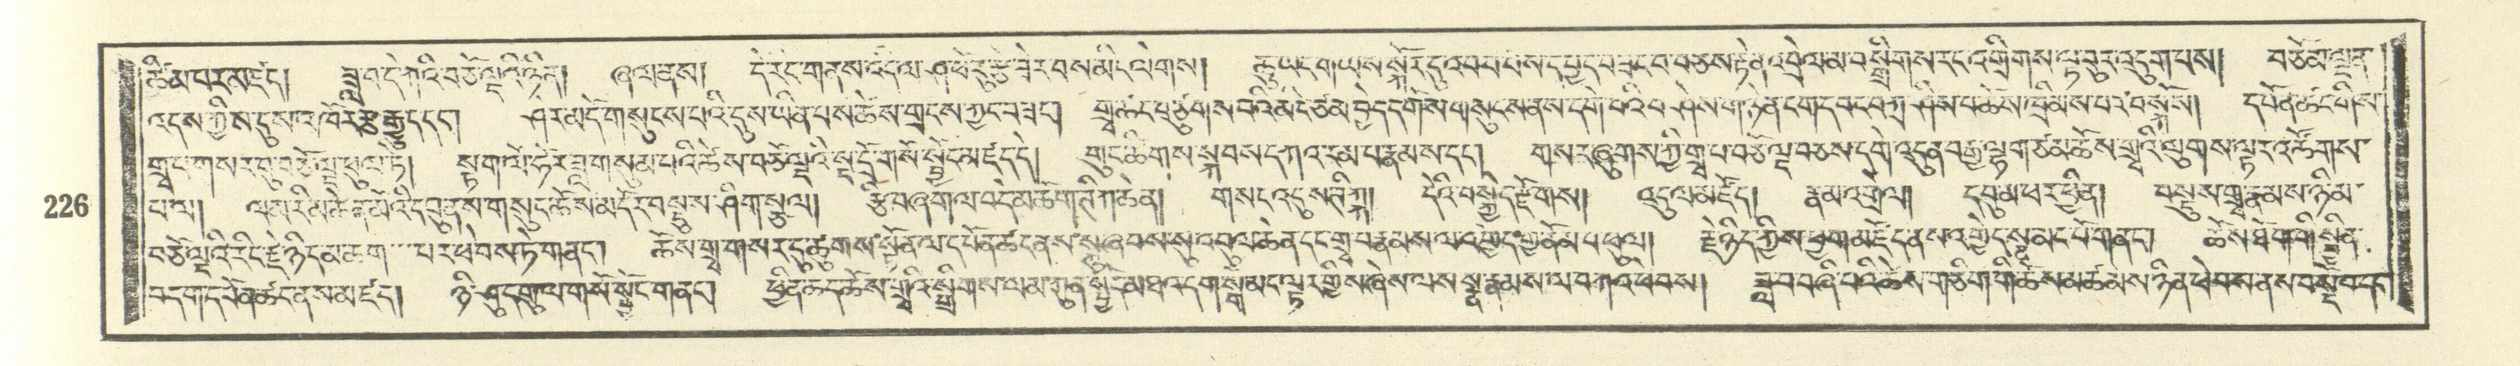ཚིམ་པར་མཛད། ཟླ་བ་དེ་ཀའི་བཅོ་ལྔའི་ཉིན། ཞལ་ནས། དེ་རིང་གནས་འདི་ལ་ཤ་ཕོ་རུ་རྩེ་ཟེར་བས་མིང་ལེགས། ཆུ་ཡང་གཡས་སྐོར་དུ་འབབ་པས་དཔྱད་བཟང་བ་བཅས་རྟེན་འབྲེལ་མ་བསྒྲིགས་རང་འགྲིགས་ལྟ་བུར་འདུག་པས། བཅོམ་ལྡན་
འདས་ཀྱིས་དུས་འཁོར་རྩ་རྒྱུད་དང་། ཤེར་མདོ་གསུངས་པའི་དུས་ཡིན་པས་ཚེས་གྲངས་ཀྱང་བཟང་། གྲྭ་ཚང་བཙུགས་པའི་མིང་ཙམ་བྱེད་དགོས་གསུངས་ནས་དགེ་བའི་བཤེས་གཉེན་ངག་དབང་བཀྲ་ཤིས་བ་ཆོས་ཁྲིམས་པར་བསྐོས། དཔོན་ཚང་གིས་
གྲྭ་པ་གསར་བུ་བཅོ་ལྔ་ཕུལ་ཏེ། སྟག་ལོ་ཧོར་ཟླ་གསུམ་པའི་ཚེས་བཅོ་ལྔའི་སྔ་དྲོ་གསོ་སྦྱོང་མཛད་དེ། གུང་ཚིགས་སྐབས་དཀའ་རམ་པ་རྣམས་དང་། གསར་ཞུགས་ཀྱི་གྲྭ་པ་བཅོ་ལྔ་བཅས་དགེ་འདུན་བརྒྱ་ལྷག་ཙམ་ཆོས་གྲྭའི་ལུགས་ལྟར་འཚོགས་
པ་ལ། ལམ་རིམ་ཆེན་མོའི་དབུ་ནས་གསུང་ཆོས་མདོར་བསྡུས་ཤིག་སྩལ། རྩི་བཞག་ལ་བདེ་མཆོག་ཊི་ཀ་ཆེན། གསང་འདུས་ཊིཀྐ། དེའི་བསྐྱེད་རྫོགས། འདུལ་མཛོད། རྣམ་འགྲེལ། དབུ་མ་ཕར་ཕྱིན། བསྡུས་གྲྭ་རྣམས་ཉི་མ་
བཅོ་ལྔའི་རིང་རྗེ་ཉིད་མ་ཆག་པར་ཕེབས་ཏེ་གནང་། ཆོས་གྲྭ་གསར་དུ་ཚུགས་སྟོན་ལ་དཔོན་ཚང་ནས་སྐུ་ཞབས་སུ་འབུལ་ཆེན་དང་གྲྭ་པ་རྣམས་ལ་འགྱེད་གྱ་ནོམ་པ་ཕུལ། རྗེ་ཉིད་ཀྱིས་ཕྱག་མཛོད་ནས་འགྱེད་སྣ་མང་པོ་གནང་། ཆོས་ཐོག་གི་སྦྱིན་
བདག་དཔོན་ཚང་ནས་མཛད། ཉི་ཤུ་དགུ་ལ་གསོ་སྦྱོང་གནང་། ཕྱིན་ཆད་ཆོས་གྲྭའི་སྒྲིགས་ལམ་ཀུན་སྤྱོད་མཐའ་དག་སྒོ་མང་ལྟར་གྱིས་ཞེས་ལས་སྣ་རྣམས་ལ་བཀའ་ཕེབས། ཟླ་བ་བཞི་པའི་ཚེས་གཅིག་གི་ཆོས་མཚམས་ཉིན་ཕེབས་ནས་བསྔོ་བ་དང་